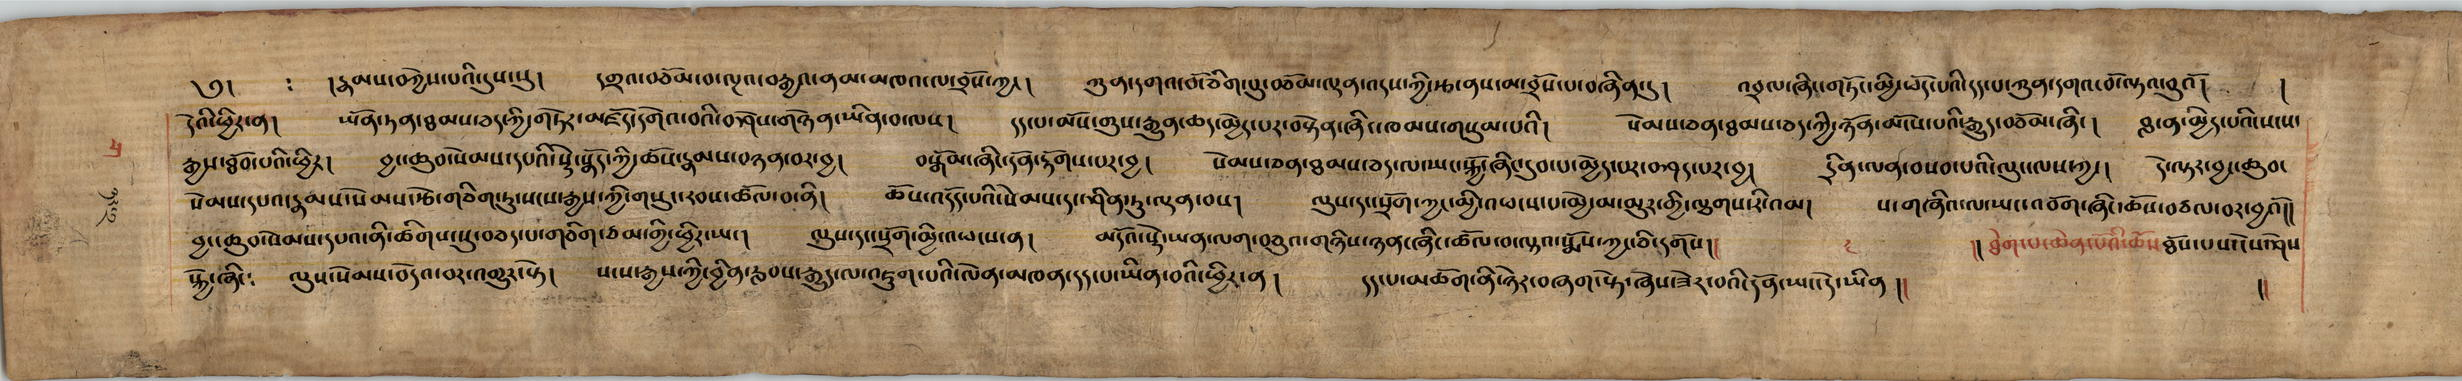༅། : །རྣམས་བཀྱེས་པའི་དུས་སུ། དགྲའ་བཅོམ་བ་ལྔ་བརྒྱའ་ནམ་མཁའ་ལ་བྲོས་ཀྱང། ཀུན་དགའ་བོ་ཅིག་པུ་བཅོམ་ལྡན་འདས་ཀྱི་རྩ་ནས་མ་བྲོས་པ་བཞིན་དུ། འབྲལ་ཞིང་གཏོང་མྱི་ཕོད་པའི་དད་པ་ཀུན་དགའ་བོ་ལྟའ་བུའོ། །
དེའི་ཕྱིར་ན། ཡོན་ཏན་ཐམས་ཅད་ཀྱི་གཏེར་མཛོད་དགེའ་བའི་བཤེས་གཉེན་ཡིན་བ་ལས། དད་པ་མོས་གུས་རྒྱུན་ཆད་མྱེད་པར་བསྟེན་ཞིང་ཁམས་གསུམ་པའི། སེམས་ཅན་ཐམས་ཅད་ཀྱི་ཉོན་མོངས་པའི་རྒྱུད་བཅོམ་ཞིང། བླ་ན་མྱིད་པའི་སངས་
རྒྱས་ཐོབ་པའི་ཕྱིར། བྱང་ཆུབ་སེམས་དཔའི་སྡེ་སྣོད་ཀྱི་ཆོས་རྣམས་བཉན་བར་བྱ། བསྒོམ་ཞིང་དོན་རྟོགས་པར་བྱ། སེམས་ཅན་ཐམས་ཅད་ལ་ཡང་སྐྱོ་ཞིང་དུབ་པ་མྱེད་པར་བཤད་པར་བྱ། དྲིན་ལན་བསབ་པའི་ལུང་ལས་ཀྱང། དེ་ལྟར་བྱང་ཆུབ་
སེམས་དཔའ་རྣམས་སེམས་རྩེ་གཅིག་ཏུ་སངས་རྒྱས་ཀྱི་གསུང་རབས་ཚོལ་བ་ནི། ཆོས་འདོད་པའི་སེམས་དང་ཤིན་ཏུ་ལྡན་བས། ལུས་དང་སྲོག་ཀྱང་མྱི་འཕངས་པ་མྱེ་མ་མུར་གྱི་ལྕགས་རི་འམ། ས་གཞིའ་ལ་ཡང་འབོག་ཞཱིང་ཆོས་བཙལ་བར་བྱའོ།།
བྱང་ཆུབ་སེམས་དཔའ་ནི་ཚིགས་སུ་བཅད་པ་གཅིག་ཙམ་གྱི་ཕྱིར་ཡང། ལུས་དང་སྲོག་མྱི་འཕངས་ན། མདོའ་སྡེ་ཡན་ལག་བཅུའ་གཉིས་ཉན་ཞིང་ཚོལ་བ་ལྟའ་སྨོས་ཀྱང་ཅི་དགོས།། །། ཐེག་པ་ཆེན་པོའི་ཆོས་ཐོས་པས་ངོས་ཤེས
སྐྱེ་ཞིང ལུས་སེམས་བདེའ་བར་འགྱུར་སྟེ། སངས་རྒྱས་ཀྱི་བྱིན་རླབས་རྒྱུད་ལ་འཇུག་པའི་ལེན་མཁན་དད་པ་ཡིན་བའི་ཕྱིར་ན། དད་པ་མཆོག་ནི་ཉེར་བཞག་སྟེ་ཞེས་ཟེར་བའི་དོན་ཡང་དེ་ཡིན །།